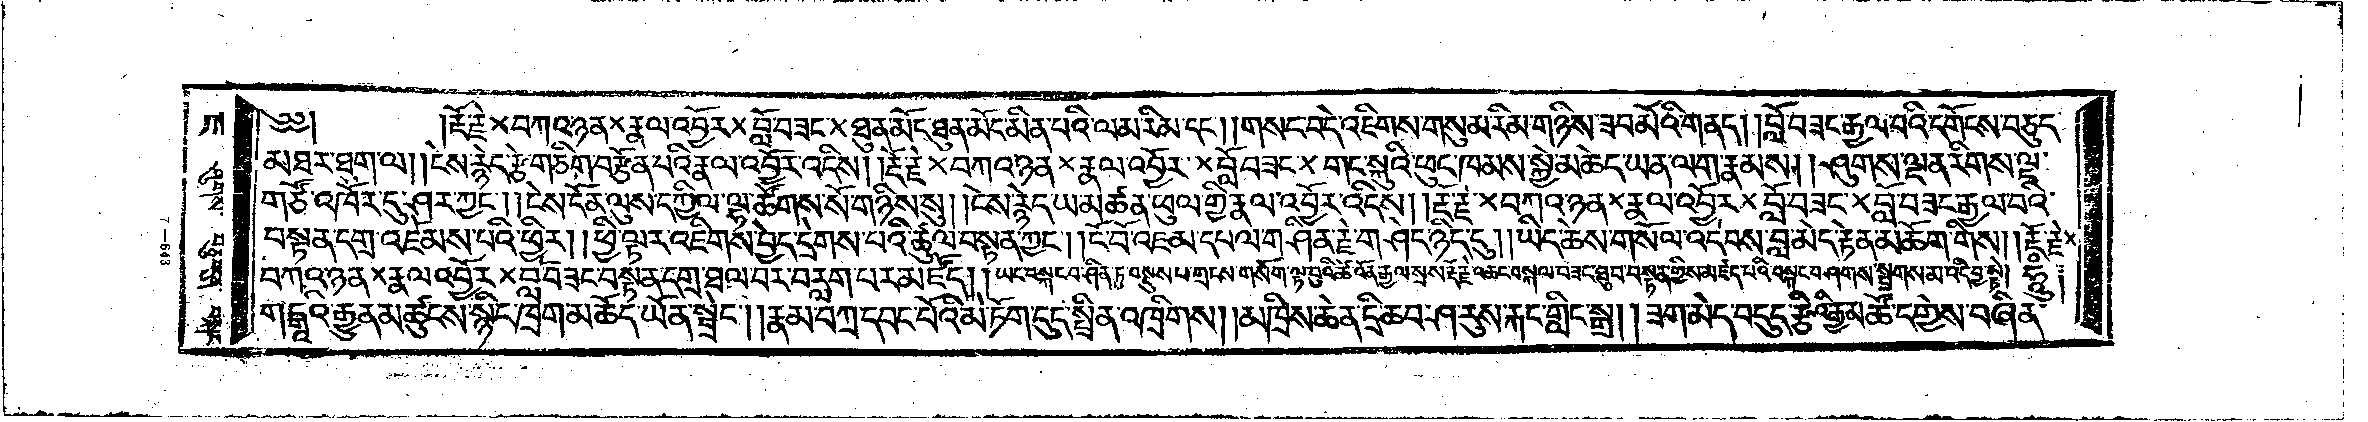༄༅། །རྡོ་རྗེ་྾་བཀའ་ཉན྾་རྣལ་འབྱོར་྾་བློ་བཟང྾་ཐུན་མོང་ཐུན་མོང་མིན་པའི་ལམ་རིམ་དང་། །གསང་བདེ་འཇིགས་གསུམ་རིམ་གཉིས་ཟབ་མོའི་གནད། །བློ་བཟང་རྒྱལ་བའི་དགོངས་བཅུད་
མཐར་ཐུག་ལ། །ངེས་རྙེད་རྩེ་གཅིག་བརྩོན་པའི་རྣལ་འབྱོར་འདིས། །རྡོ་རྗེ་྾་བཀའ་ཉན་྾་རྣལ་འབྱོར་྾་བློ་བཟང་྾་གང་སྐུའི་ཕུང་ཁམས་སྐྱེ་མཆེད་ཡན་ལག་རྣམས། །ཤུགས་ལྡན་རིགས་ལྔ་
གཙོ་འཁོར་དུ་ཤར་ཀྱང་། །ངེས་དོན་ལུས་དཀྱིལ་ལྷ་ཚོགས་སོ་གཉིས་སུ། །ངེས་རྙེད་ཡ་མཚན་ཕུལ་གྱི་རྣལ་འབྱོར་འདིས། །རྡོ་རྗེ་྾་བཀའ་ཉན་྾་རྣལ་འབྱོར་྾་བློ་བཟང྾་བློ་བཟང་རྒྱལ་བའི་
བསྟན་དགྲ་འཇོམས་པའི་ཕྱིར། །ཕྱི་ལྟར་འཇིགས་བྱེད་དྲེགས་པའི་ཚུལ་བསྟན་ཀྱང་། །ངོ་བོ་འཇམ་དཔལ་གཤིན་རྗེ་གཤེད་ཉིད་དུ། །ཡིད་ཆེས་གསོལ་འདེབས་བླ་མེད་རྟེན་མཆོག་གིས། །རྡོ་རྗེ྾་
བཀའ་ཉན་྾་རྣལ་འབྱོར་྾་བློ་བཟང་བསྟན་དགྲ་ཐལ་བར་བརླག་པར་མཛོད། །ཡང་བསྐང་བ་ཤིན་ཏུ་བསྡུས་པ་གྲངས་གསོག་ལྟ་བུའི་ཚེ་བོན་རྒྱལ་སྲས་རྡོ་རྗེ་འཆང་བསྐལ་བཟང་བསྟན་འཛིན་གྱིས་བརྗོད་པའི་བསྐང་བཤལ་སྦབས་མ་འདི་བྱ་སྟེ།  ཧཱུཾ༑
གངྒའི་རྒྱུན་མཚུངས་སྙིང་ཁྲིགས་མཆོད་ཡོན་སྤྲེང་། །རྣམ་བཀྲད་དབང་པོའི་མེ་ཏོག་དུད་སྤྲིན་འཁྲིགས། །མཁྲིས་ཆེན་དྲི་ཆབ་ཤ་རུས་རྐང་གླིང་སྒྲ། །ཟག་མེད་བདུད་རྩིའི་རྒྱ་མཚོ་དགྱེས་བཞིན་